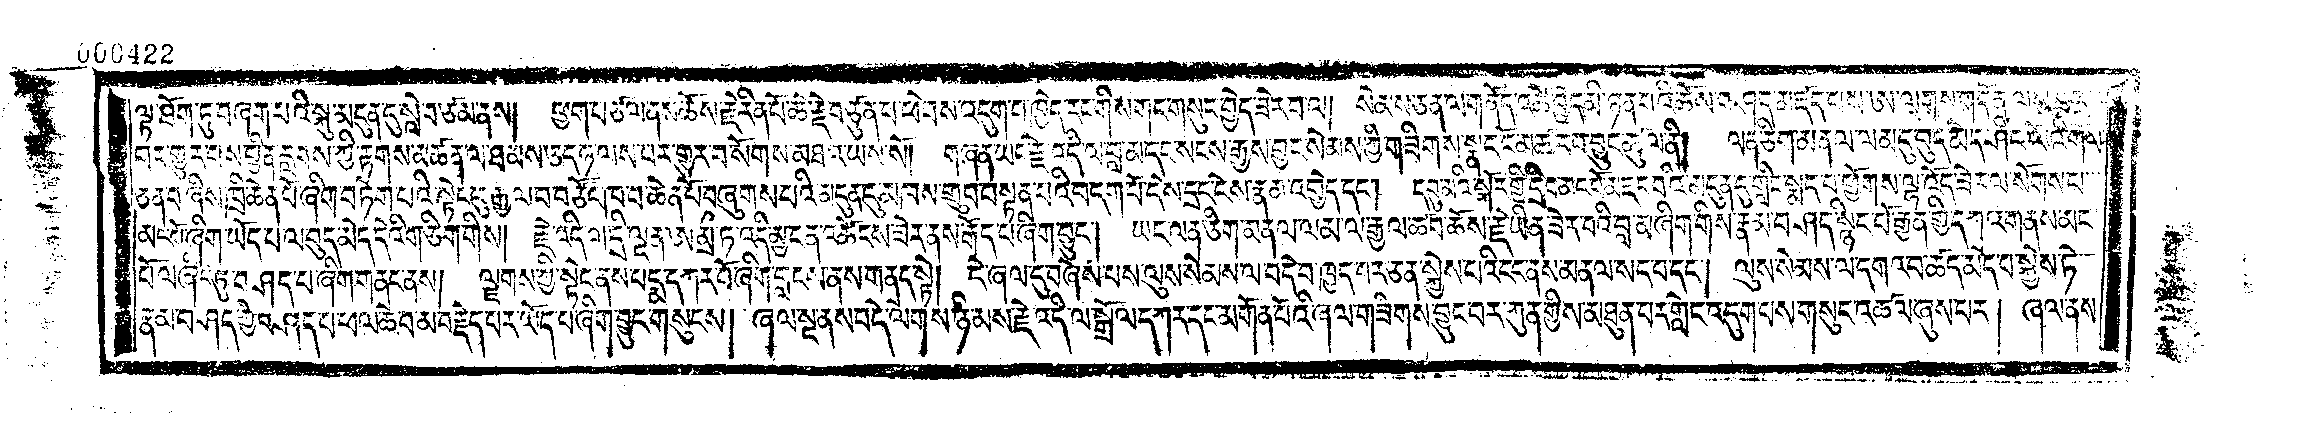སྟ་ཐོག་ཏུ་བཞག་པའི་སྐུ་མདུན་དུ་སླེབ་ཙམ་ནས། ཕྱག་བཙལ་ནས་ཆོས་རྗེ་རིན་པོ་ཆེ་རྗེ་བཙུན་པ་ཕེབས་འདུག་པ་ཁྱེད་རང་གིས་གང་གསུང་བྱེད་ཟེར་བ་ལ། སེམས་ཅན་ལ་གནོད་འཚེ་བྱེད་མི་ཉན་པའི་ཆོས་བཤད་མཛད་པས་ཨ་ལགས་གདོན་ལས་ཐར་
པར་གྱུར་པས་བྱིན་རླབས་ཀྱི་རྟགས་མཚན་ལ་ཐམས་ཅད་ཧ་ལས་པར་གྱུར་པ་སོགས་མཐའ་ཡས་སོ། གཞན་ཡང་རྗེ་འདི་ལ་བླ་མ་དང་སངས་རྒྱས་བྱང་སེམས་ཀྱི་གཟིགས་སྣང་ངོ་མཚར་བ་བྱུང་ཚུལ་ནི། ལན་ཅིག་མནལ་ལམ་དུ་བུད་མེད་ཤིང་ལོའི་གོས་
ཅན་བཞིས་ཁྲི་ཆེན་པོ་ཞིག་བཏེག་པའི་སྟེང་དུ་རྒྱལ་བ་བཙོང་ཁ་པ་ཆེན་པོ་བཞུགས་པའི་མདུན་དུ་མཁས་གྲུབ་བསྟན་པའི་བདག་པོ་དེས་དྲང་ངེས་རྣམ་འབྱེད་དང་། དབུ་མའི་སྐོར་གྱི་དྲི་བ་མང་པོ་མཇད་པའི་མདུན་དུ་གླིང་སྨད་པ་ཕྱོགས་ལྷ་འོད་ཟེར་ལ་སོགས་པ་
མང་པོ་ཞིག་ཡོད་པ་ལ་བུད་མེད་དེའི་གཅིག་གིས། རྗེ་འདི་ལ་དྲི་ལྡན་ཨ་མྲྀ་ཏ་འདི་མྱང་ནས་འཚེངས་ཟེར་ནས་རྒོད་པ་ཞིག་བྱུང་། ཡང་ལན་ཅིག་མནལ་ལམ་ལ་རྒྱལ་ཚབ་ཆོས་རྗེ་ཡིན་ཟེར་བའི་བླ་མ་ཞིག་གིས་རྣམ་བཤད་སྙིང་པོ་རྒྱན་གྱི་དཀའ་གནས་མང་
པོ་ལ་ཞིབ་ཏུ་བཤད་པ་ཞིག་གནང་ནས། ལྗགས་ཀྱི་སྟེང་ནས་པདམ་དཀར་པོ་ཞིག་བླངས་ནས་གནང་སྟེ། དེ་ཞལ་དུ་བཞེས་པས་ལུས་སེམས་ལ་བདེ་བ་ཁྱད་པར་ཅན་སྐྱེས་པའི་ངང་ནས་མནལ་སད་པ་དང་། ལུས་སེམས་ལ་དགའ་བ་ཚད་མེད་པ་སྐྱེས་ཏེ་
རྣམ་བཤད་ཀྱི་བཤད་པ་ཕལ་ཆེ་བམ་བརྗེད་པར་ཡོད་པ་ཞིག་བྱུང་གསུངས། ཞལ་སྔ་ནས་བདེ་ལེགས་ཉི་མས་རྗེ་འདི་ལ་སྒྲོལ་དཀར་དང་མགོན་པོའི་ཞལ་གཟིགས་བྱུང་བར་ཀུན་གྱིས་མཐུན་པར་གླེང་འདུག་པས་གསུང་འཚལ་ཞུས་པར། ཞལ་ནས།